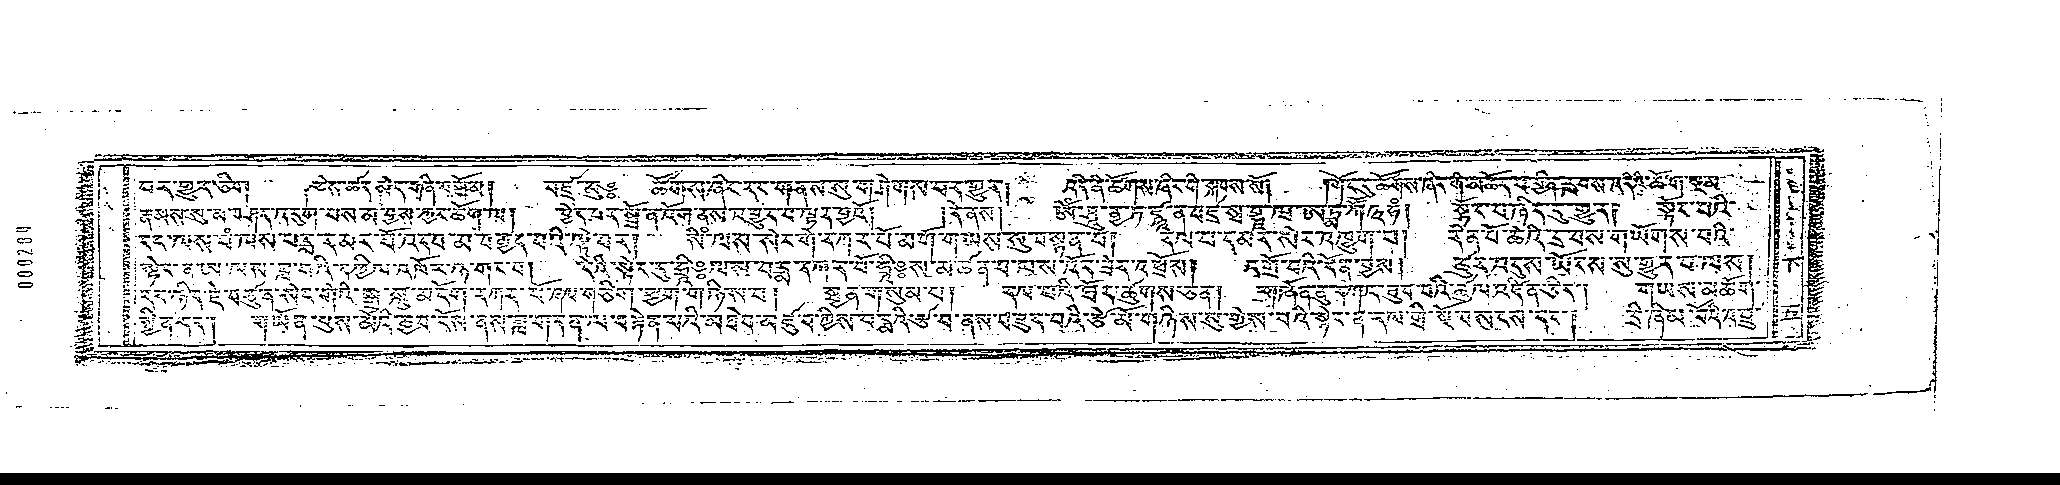པར་གྱུར་ཅིག །ཅེས་ཚད་མེད་བཞི་བསྒོམ། བཛྲ་མུཿ་ཚོགས་ཞིང་རང་གནས་སུ་གཤེགས་བར་གྱུར། འདི་ནི་ཚོགས་ཞིང་གི་སྐབས་སོ། གོང་དུ་ཚོགས་ཞིང་གི་མཆོད་པ་བྱིན་རླབས་འདིའི་ཆོ་ག་སྔ་མ་
རྣམས་སུ་མ་བཤད་འདུག་པས་མ་བྱས་ཀྱང་ཆོག་ལ། བྱེད་པར་སྤྲོ་ན་འོག་ནས་འབྱུང་པ་ལྟར་བྱའོ། །དེ་ནས། ཨོཾ་ཤཱུ་ནྱ་ཏ་ཛྙཱ་ན་བཛྲ་སྭ་བྷཱ་ཝ་ཨཏྨ་ཀཽ་ཉཧཾ། སྟོང་པ་ཉིད་དུ་གྱུར། སྟོང་པའི་
དད་ལས་བཾ་ལས་པདམ་དམར་པོ་འདབ་མ་བརྒྱད་པའི་ལྟེ་བར། སིཾ་ལས་སེང་གེ་དཀར་པོ་མགོ་གཡས་སུ་བསྟན་པ། རལ་པ་དམར་སེར་འཁྱུག་པ། རིན་པོ་ཆེའི་དྲ་པས་གཡོགས་པའི་
སྟེང་ན་ཨ་ལས་ཟླ་བའི་དཀྱིལ་འཁོར་ཉ་གང་བ། དེའི་སྟེང་དུ་ཧྲཱིཿ་ལས་པདམ་དཀར་པོ་ཧྲཱིཿ་ས་མཚན་གྲ་ལས་འོད་ཟེར་འཕྲོས། འགྲོ་བའི་དོན་བྱས། ཚུར་འདུས་ཡོངས་སུ་གྱུར་པ་ལས།
རང་ཉིད་རྗེ་བཙུན་སེང་གེའི་སྒྲ་སྐུ་མདོག་དཀར་པོ་ཞལ་གཅིག་ཕྱག་གཉིས་པ། སྤྱན་གསུམ་པ། རལ་བའི་ཐོར་ཚུགས་ཅན། གཞོན་ནུ་དཀའ་ཐུབ་པའི་ཚུལ་འཛིན་ཅིང་། གཡས་མཆོག་
སྦྱིན་དང་། གཡོན་བུས་མོའི་རྒྱབ་དོས་ནས་ཟླ་གདན་ལ་བརྟེན་པའི་མཐེབ་མཛུབ་ཀྱིས་པདམའི་རྩ་བ་ནས་བཟུང་བའི་རྩེ་མོ་གཉིས་སུ་གྱེས་བའི་སྟེང་ན་རལ་གྲི་སྔོ་བསངས་དང་། དྲི་ཞིམ་པོའི་འབྲུ་